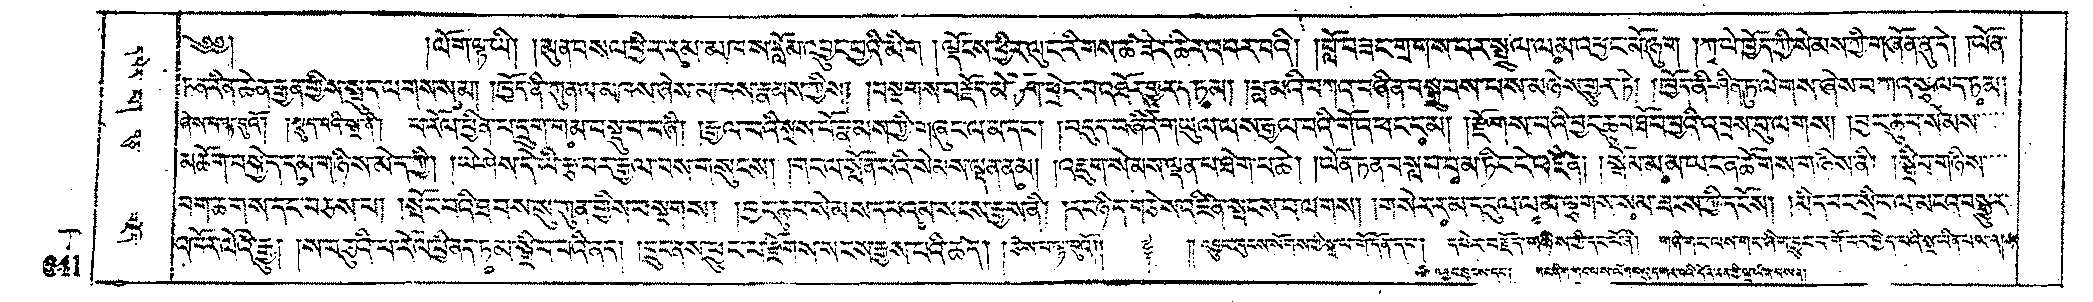༄༅། །ལོག་ལྟ་ཡི། །མུན་བསལ་ཕྱིར་རམ྾་མཁས་རློམ་འབྱུང་བྱའི་མིག །ལྡོངས་ཕྱིར་ལུང་རིགས་ཚ་ཟེར་ཆེར་འབར་བའི། །བློ་བཟང་གྲགས་པར་སྤྲུལ་ལམ྾་འཕྱང་མོ་ཉུག །ཀྭ་ཡེ་ཁྱོད་ཀྱི་སེམས་ཀྱི་གཞོན་ནུ་དེ། །ཡོན་
ཏན་རིན་ཆེན་རྒྱན་གྱིས་སྤུད་ལགས་སམ྾། །ཁྱོད་ནི་ཀུན་ལ་མཁས་ཞེས་མཁས་རྣམས་ཀྱིས། །བསྔགས་བརྗོད་མེ་ཏོག་ཕྲེང་བ་འཐོར་གྱུརད་ཏམ྾། །བླ་མའི་བཀའ་བཞིན་བསྒྲུབས་པས་མཉེས་གྱུར་ཏེ། །ཁྱོད་ནི་ཤིན་ཏུ་ལེགས་ཞེས་བཀའ་སྩལ་ཏམ྾།
ཞེས་པ་ལྟ་བུའོ། །སྡུད་པའི་སྒྲ་ནི། ཕ་རོལ་ཕྱིན་པ་དྲུག་གམ྾་བསྡུ་བ་བཞི། །རྒྱལ་བའི་སྲས་པོ་རྣམས་ཀྱི་གཞུང་ལམ་དང་། །བདུད་བཞིའི་གཡུལ་ལས་རྒྱལ་བའི་གོ་འཕང་ངམ྾། །རྫོགས་པའི་བྱང་ཆུབ་ཐོབ་བྱའི་འབྲས་བུ་ལགས། །བྱང་ཆུབ་སེམྶ་་་
མཆོག་བསྐྱེད་དམ྾་གཉིས་མེད་ཀྱི། །ཡེ་ཤེས་དེ་ཡི་རྩ་བར་རྒྱལ་བས་གསུངས། །གང་ལ་སྨོན་པའི་སེམས་ལྡན་ནམ྾། །འཇུག་སེམས་ལྡན་པ་ཐེག་པ་ཆེ། །ཡོན་ཏན་བསླབ་བམ྾་ཏིང་ངེ་འཛིན། །སྒོམ་མམ྾་ཡང་ན་ཚོགས་གཉིས་ནི། །སྒྲིབ་གཉིས་་་
བག་ཆགས་དང་བཅས་པ། །སྤོང་བའི་ཐབས་སུ་ཀུན་གྱིས་བསྔགས། །བྱང་ཆུབ་སེམས་དཔའམ྾་སངས་རྒྱས་ནི། །རང་ཉིད་གཅེས་འཛིན་སྤངས་པ་ལགས། །གསེར་རམ྾་དངུལ་ལམ྾་ལྕགས་སམ྾་ཟངས་ཀྱི་དངོས། །མི་དབང་སྲིད་ལ་མངའ་བསྒྱུར་
འཁོར་ལོའི་རྒྱུ། །ས་བཅུའི་ཕ་རོལ་ཕྱི་ནད་ཏམ྾་སྒྲིབ་པའི་ནད། །དྲུང་ནས་ཕྱུང་པ་རྫོགས་སངས་རྒྱས་པའི་ཚད། །ཅེས་པ་ལྟ་བུའོ།། འ་།།འབྱུང་ཁུངས་སོགས་ཀྱི་སྒྲ་ལ་གོ་དོན་དང་། དཔེར་བརྗོད་གཉིས་ཀྱི་དང་པོ་ནི། གཞི་གང་ལས་གང་ཞིག་བྱུང་བ་གོ་པར་བྱེད་པའི་སྒྲ་ཡིན་པས་ན།
འབྱུང་ཁྲུངས་དང་། གང་ཞིག་གང་ལས་ལོགས་སུ་དགར་བའི་དོན་ཆན་གྱི་སྒྲ་ཡིན་པས་ན།